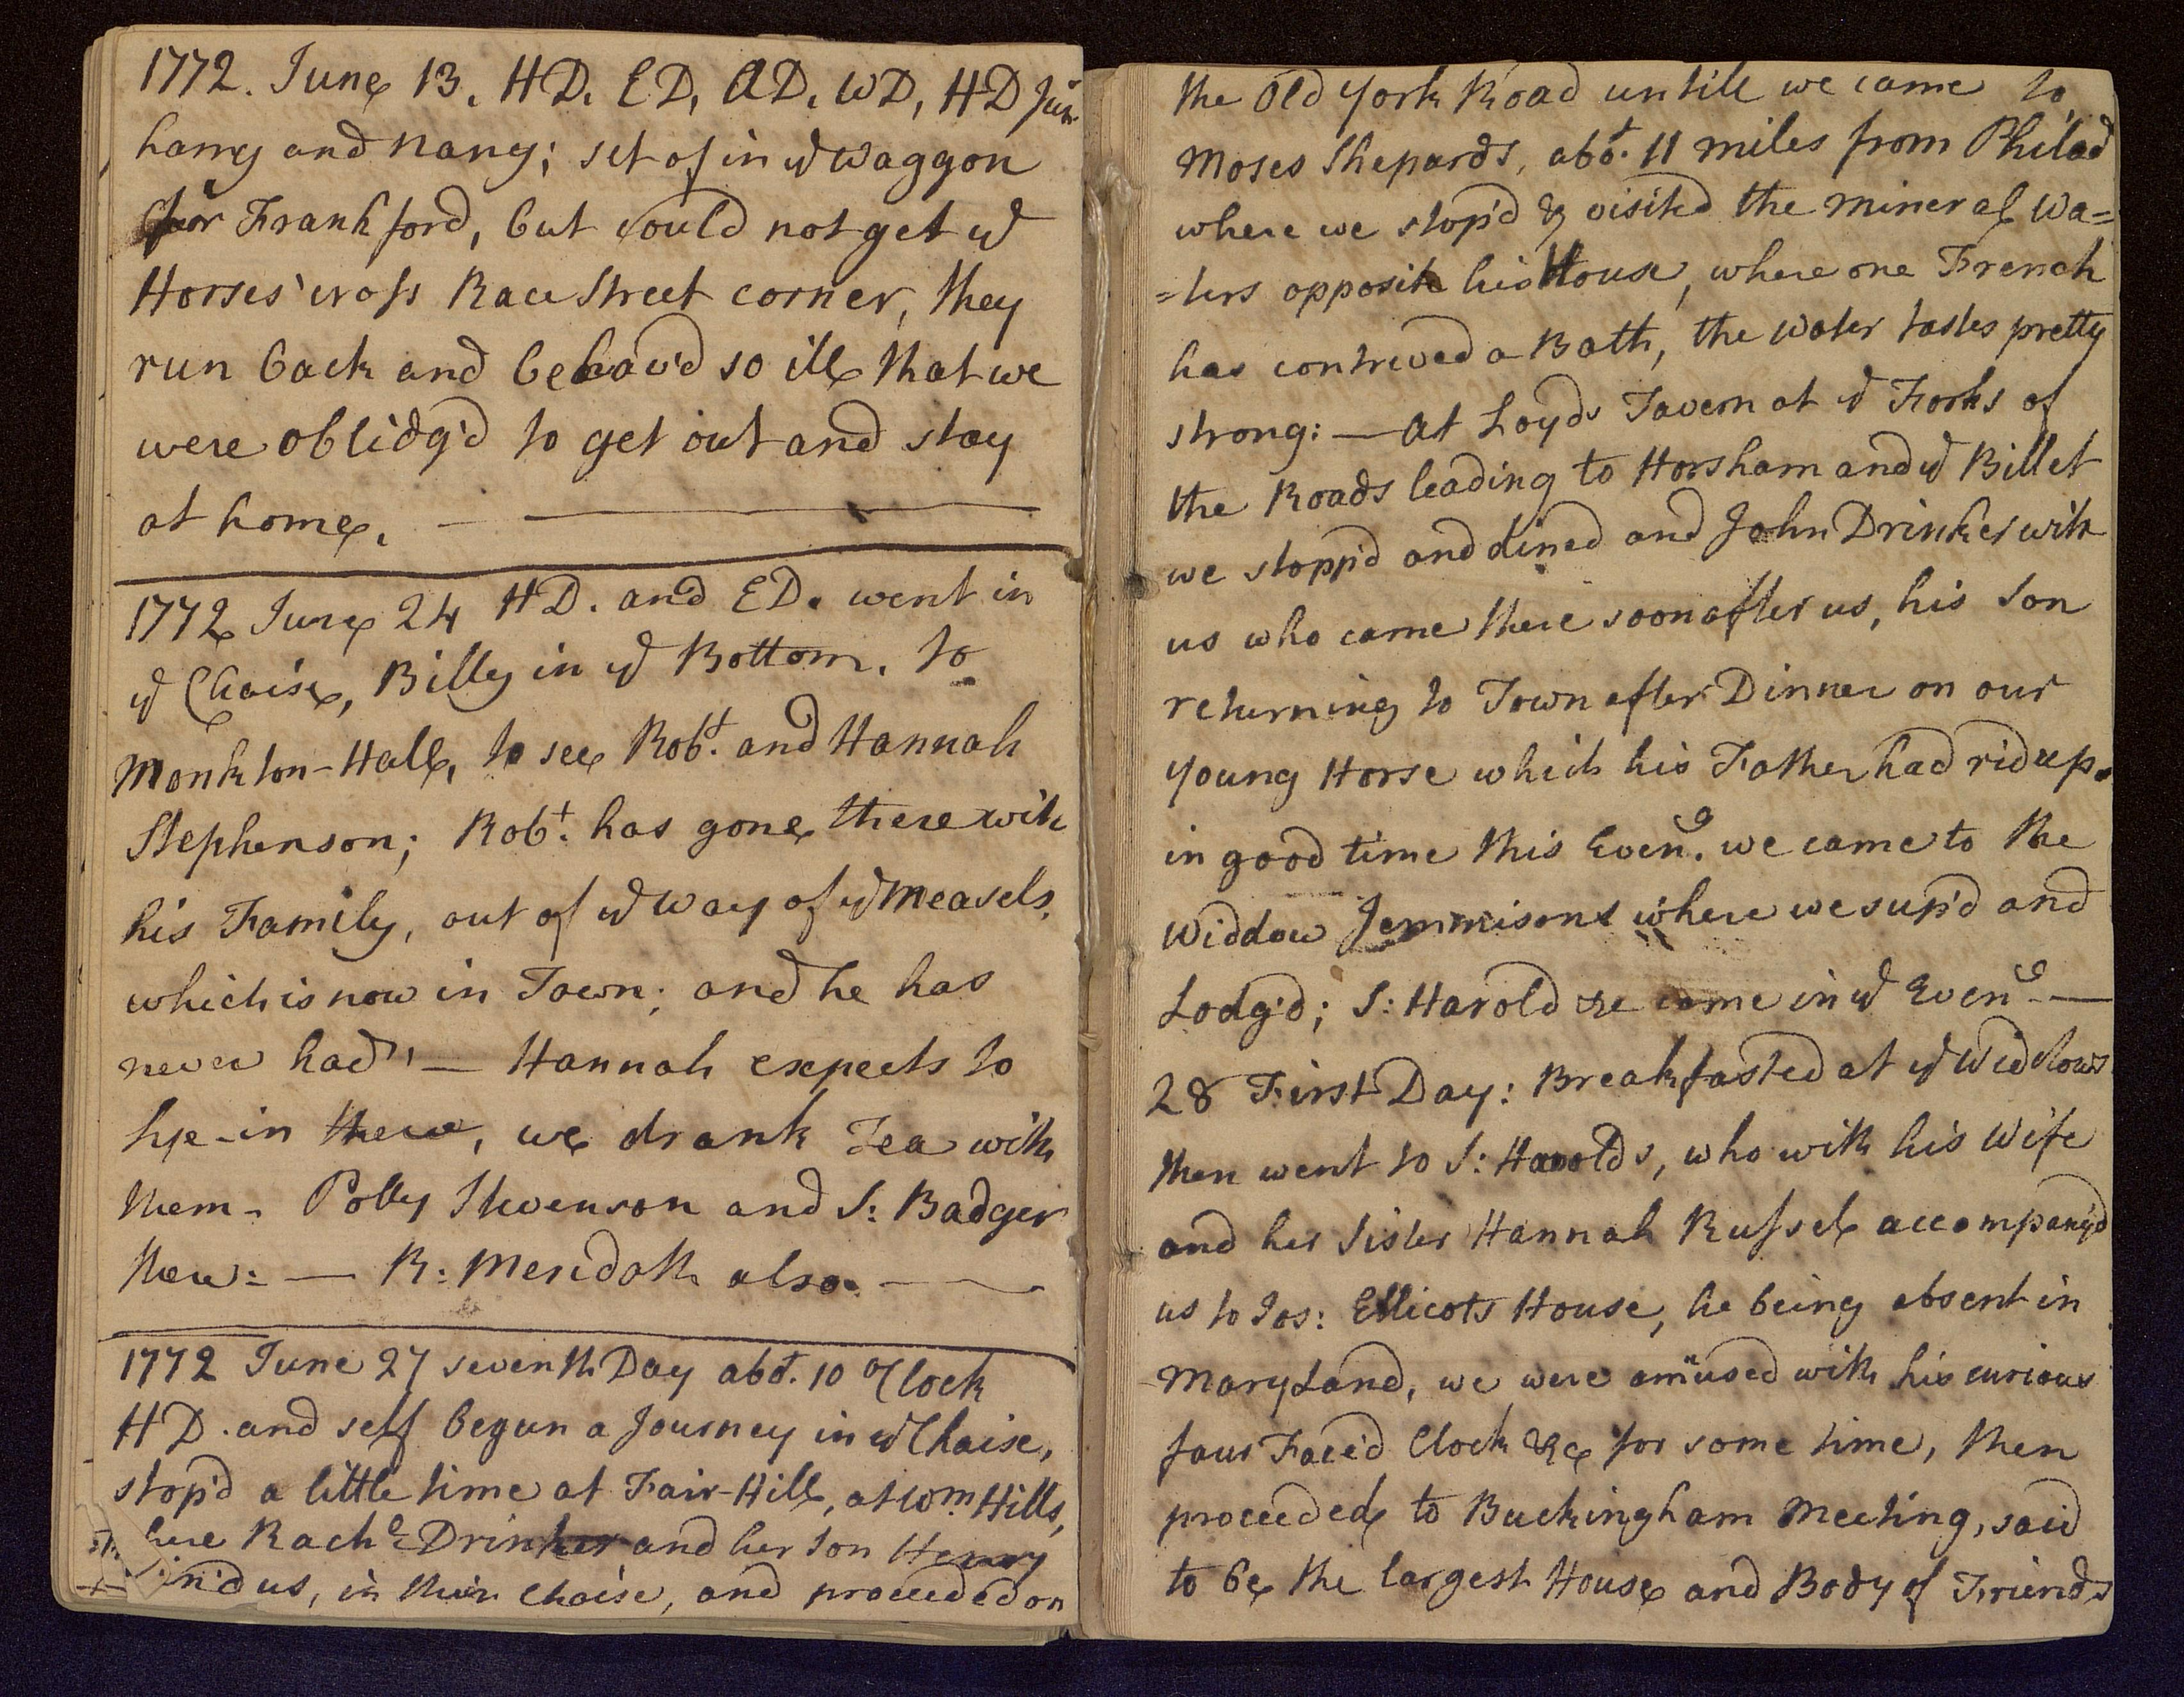1772. June 13. HD. ED, AD. WD, HD Jun^r
harry and Nany; set of in y^e Waggon
for Frankford, but could not get y^e
Horses ' cross Race Street corner, they
run back and behav'd so ill that we
were oblidg'd to get out and stay
at home,
1772 June 24 HD. and ED. went in
y^e chaise, Billy in y^e Bottom. to
Monkton-Hall, to see Rob^t. and Hannah
Stephenson; Rob^t. has gone there wih
his Family, out of y^e way of y^e measels,
which is now in Town; and he has
never had- Hannah expects to
Lye-in there, we drank Tea with
them. Polly Stevenson and S: Badger
there:- R. Mendoth also-
1772 June 27 seventh Day abo^t. 10 oClock
HD. and self begun a Journey in y^e Chaise,
stop'd a little time at Fair-Hill, at W^m Hills,
here Rach^l Drinker and her son Henry
[i]ndus, in their chaise, and proceeded on
the Old York Road untill we came to
Moses Shepards, abo^t. 11 miles from Philad
where we stop'd & visited the mineral wa-
-ters opposite his House, where one French
has contrived a Bath, the water tastes pretty
strong:- at Loyds Tavern at y^e Forks of
the Roads leading to Horsham and y^e Billet
we stopp'd and dined and John Drinker wih
us who came there soon after us, his son
returning to Town after Dinmr on our
young Horse which his Father had rid up,
in good time this Even^g. we came to the
Widdow Jemmisons where we sup'd and
Lodg'd; S: Harold to come in y^e Even^g--
28 First Day: Breakfasted at y^e Widdows
then went to S: Harolds, who with his Wife
and his Sister Hannah Russel accompany'd
us to Jos: Ellicots House, he being absent in
Mary Land, we were amused with his curious
Jaus? Face'd Clock &e for some time, then
proceeded to Buckingham meeting, said
to be the largest House and Body of Friends